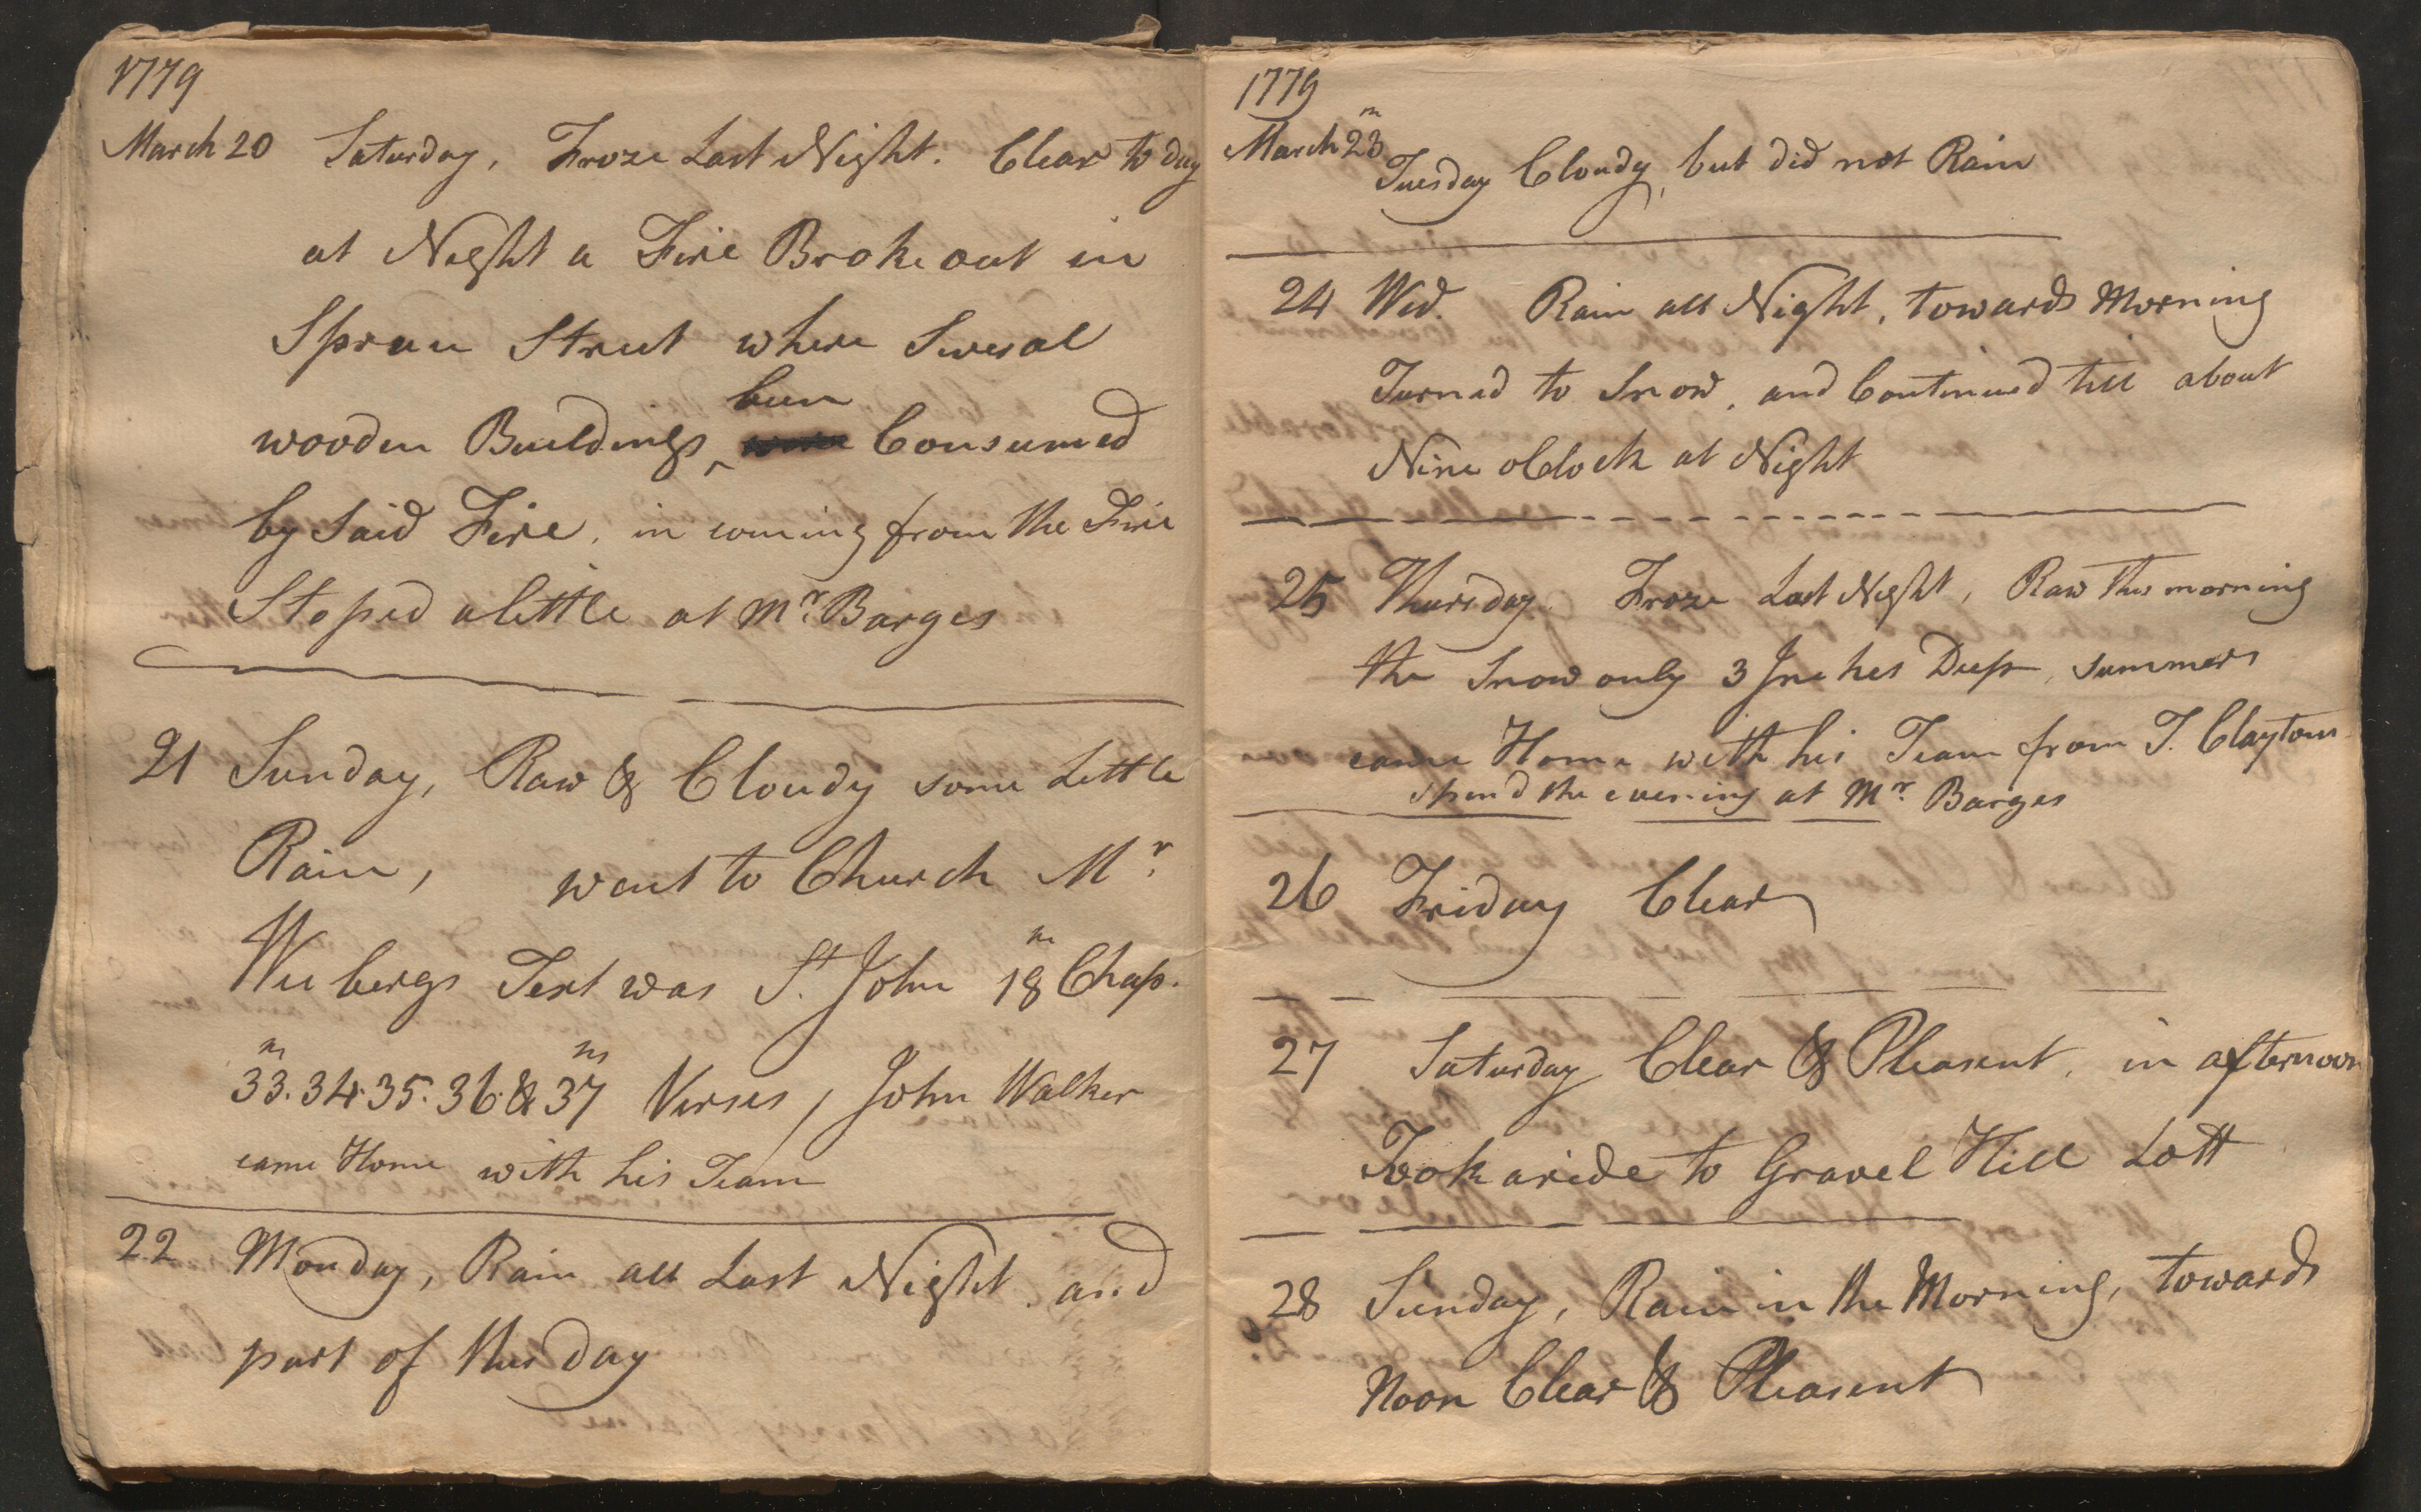1779
March 20 Saturday. Froze Last Night. Clear to day
at Night a Fire Broke out in
Spruce Street where Several
been
wooden Buildings ^ [were] Consumed
by said Fire, in coming from the Fire
Stoped a little at M^r. Barges
21 Sunday, Raw & Cloudy some Little
Rain,
went to Church M^r.
Wubergs Text was S^t. John 18^th Chap.
33.34.35.36. & 37 Verses John Walker
came Home with his Team
22. Monday, Rain all Last Night and
part of this day
1779
March 23^th
Tuesday Cloudy but did not Rain
24 Wed. Rain all Night, towards Morning
Turned to Snow, and Continued till about
Nine oClock at Night
25 Thursday Froze Last Night, Raw this morning
the Snow only 3 Inches Deep, summers
Home with his Team from T. Claytons
spin'd the evening at M^r. Barges
26 Friday Clear
27 Saturday Clear & Pleasent, in afternoon
Took a ride to Gravel Hill Lott
28 Sunday, Rain in the Morning towards
Noon Clear & Pleasent